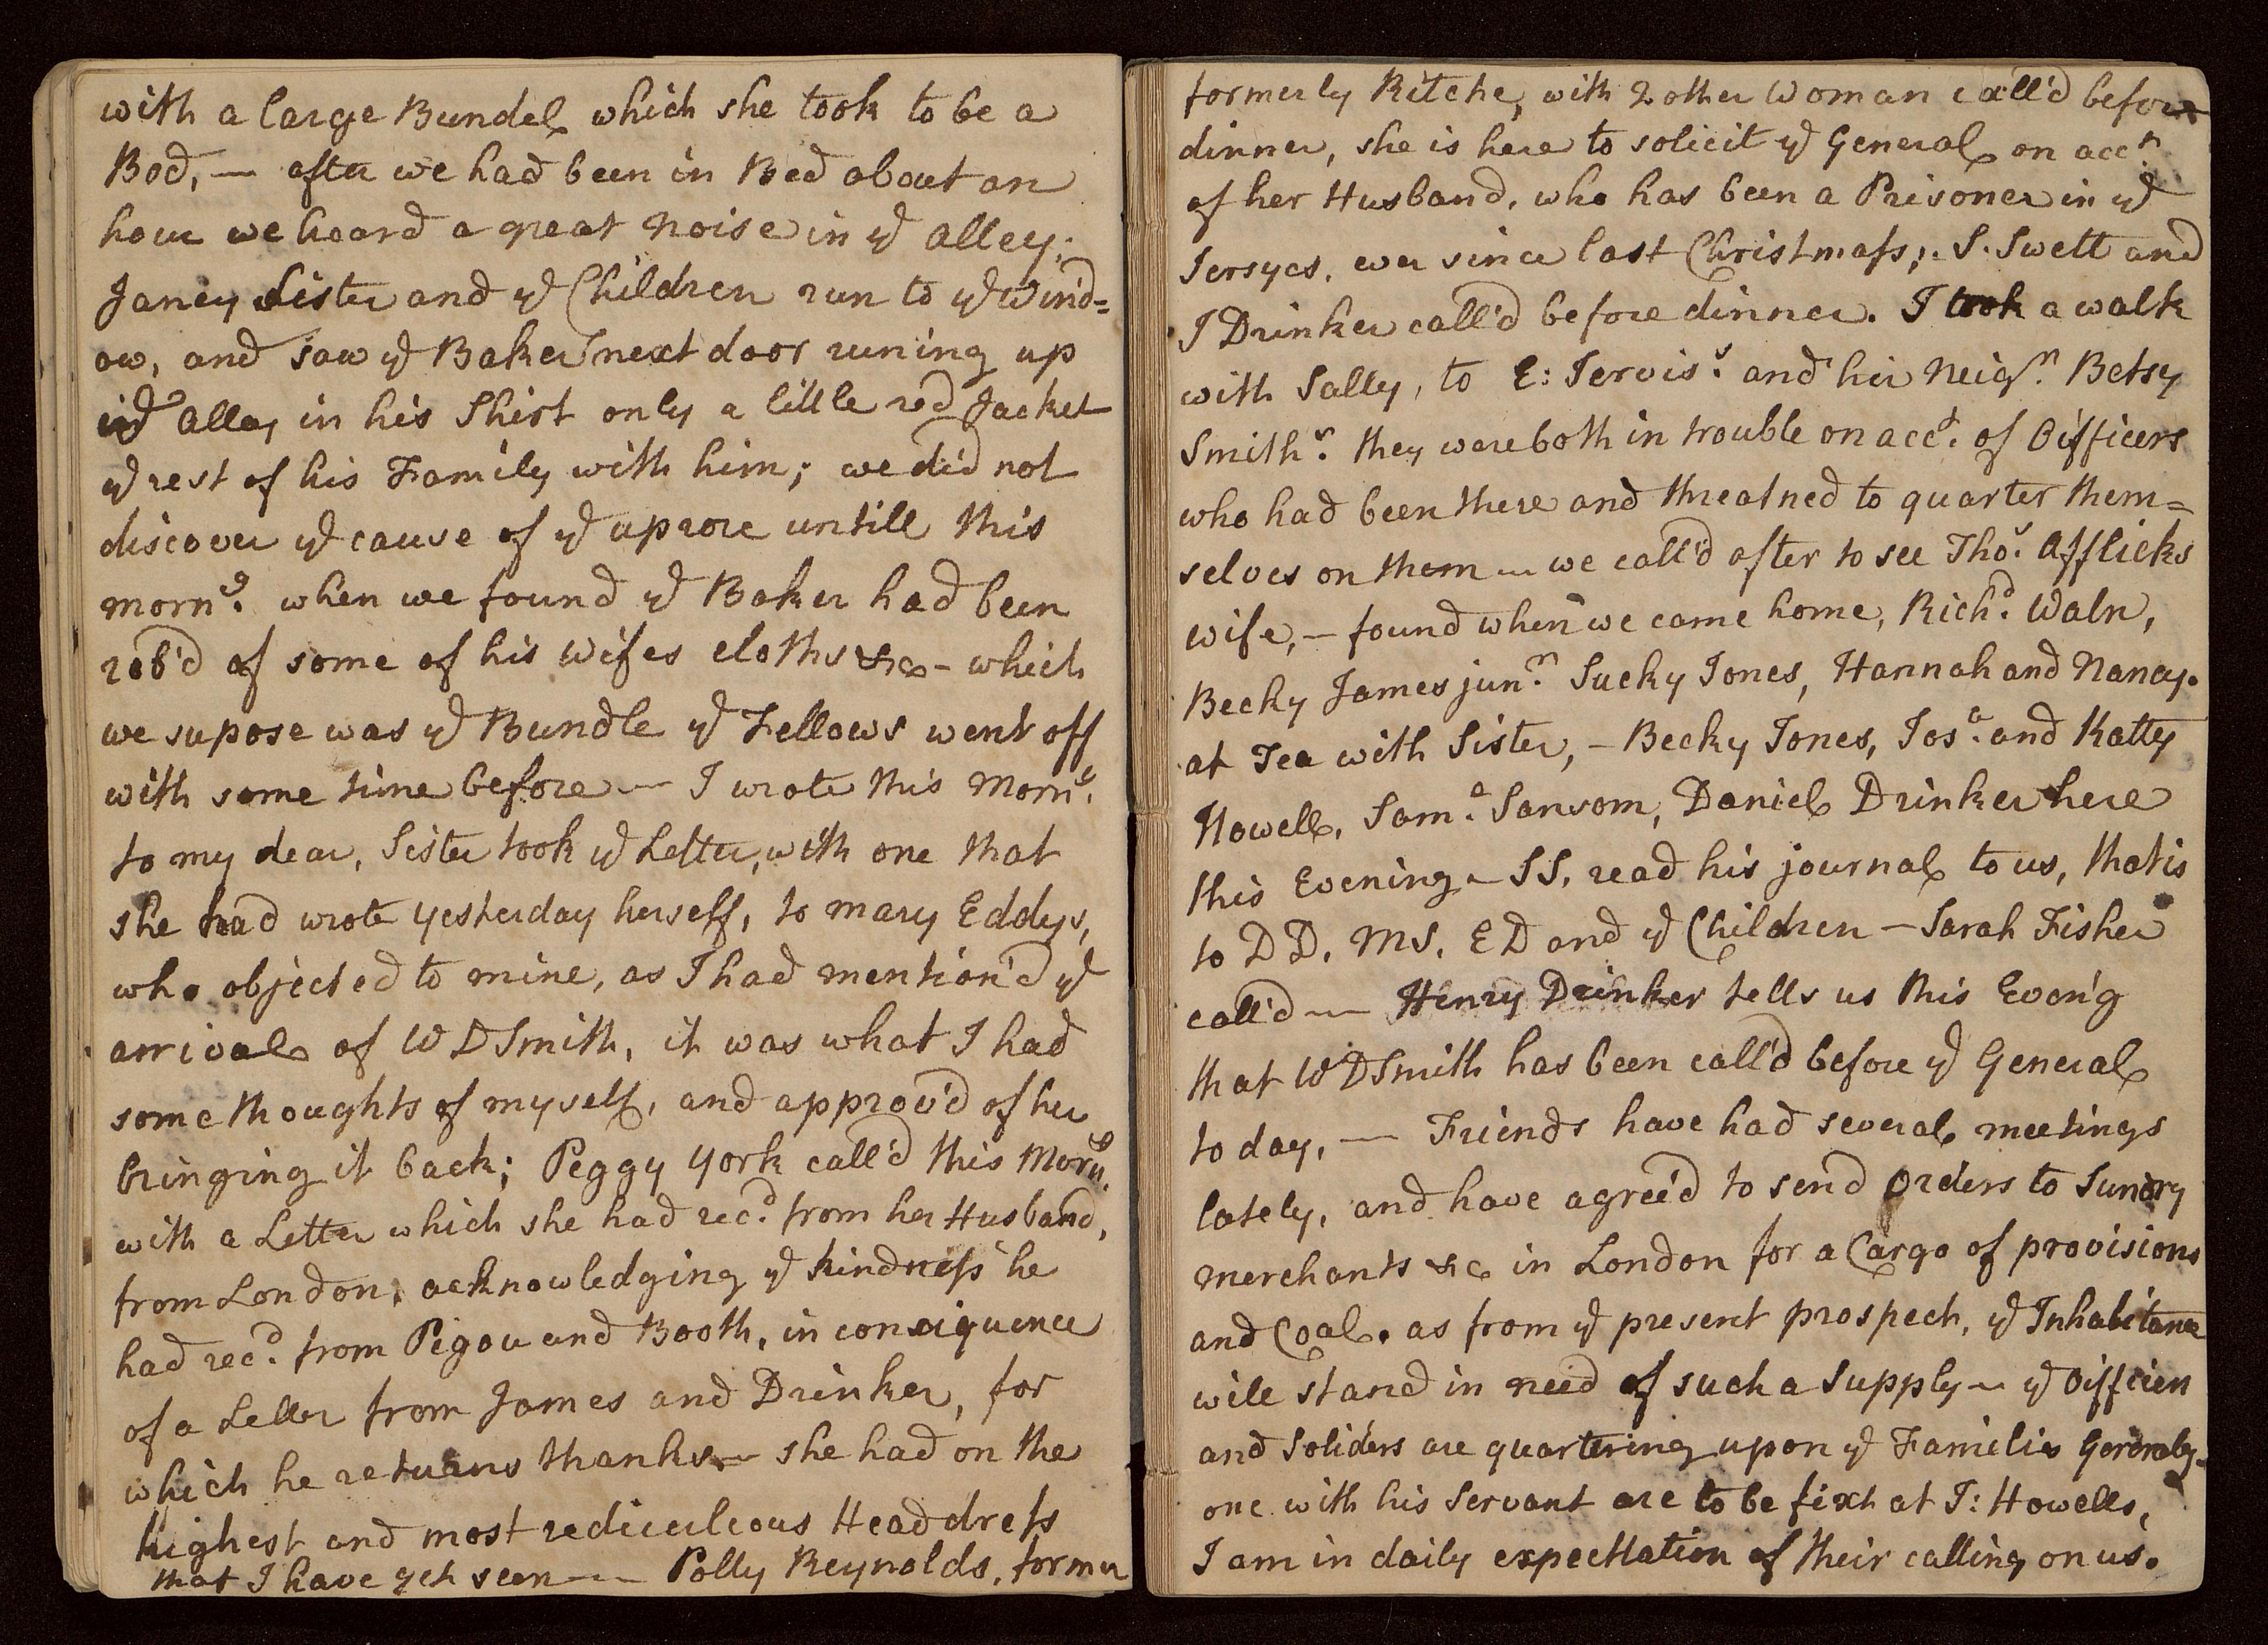with a large Bundel which she took to be a
Bed,- after we had been in Bed about an
hour we heard a great noise in y^e alley;
Janey Sister and y^e Children run to y^e wind-
ow, and saw y^e Baker next door runing up
y^e ally in his Shirt only a little red Jacket
y^e rest of his Family with him; we did not
discover y^e cause of y^e uprore untill this
morn^g. when we found y^e Baker had been
rob'd of some of his Wifes cloths &c- which
we supose was y^e Bundle y^e Fellows went off
with some time before- I wrote this Morn^g.
to my dear, Sister took y^e Letter, with one that
she had wrote yesterday herself, to Mary Eddys,
who objected to mine, as I had mention'd y^e
arrival of W D Smith, it was what I had
some thoughts of myself, and approv'd of her
bringing it back; Peggy York call'd this Morn^g.
with a Letter which she had rec^d. from her Husband,
from London, acknowledging y^e kindness he
had rec^d. from Pegou and Booth, in consiquence
of a Letter from James and Drinker, for
which he returns thanks- she had on the
highest and most rediculeous Headdress
that I have yet seen- Polly Reynolds, former
formerly Ritche, with 2 other Woman call'd before
dinner, she is here to solicit y^e General on acc^t.
of her Husband, who has been a Prisoner in y^e
Jersyes, ever since last Christmass; S. Swett and
I Drinker call'd before dinner. I took a walk
with Sally, to E: Jervis^s. and hir Neig^r. Betsy
Smith^s. they were both in trouble on acc^t. of Oifficers
who had been there and threatned to quarter them-
selves on them - we call'd after to see Tho^s. Afflicks
wife,- found when we came home, Rich^d. Waln,
Becky James jun^r. Sucky Jones, Hannah and Nancy.
at Tea with Sister,- Becky Jones, Jos^a. and Katty
Howell, Sam^l. Sansom, Daniel Drinker here
this Evening- SS. read his journal to us, that is
to DD. MS. ED and y^e Children- Sarah Fisher
call'd- Henry Drinker tells us this Even'g
that W D Smith has been call'd before y^e General
to day.- Friends have had several meetings
lately, and have agree'd to send Orders to Sundry
merchants &c in London for a Cargo of provisions
and Coal, as from y^e present prospect, y^e Inhabitans
will stand in need of such a Supply- y^e oiffeier
and Soliders are quartering upon y^e Families Gorondy
one with his Servant are to be fixt at T: Howells,
I am in daily expecttation of their calling on us.